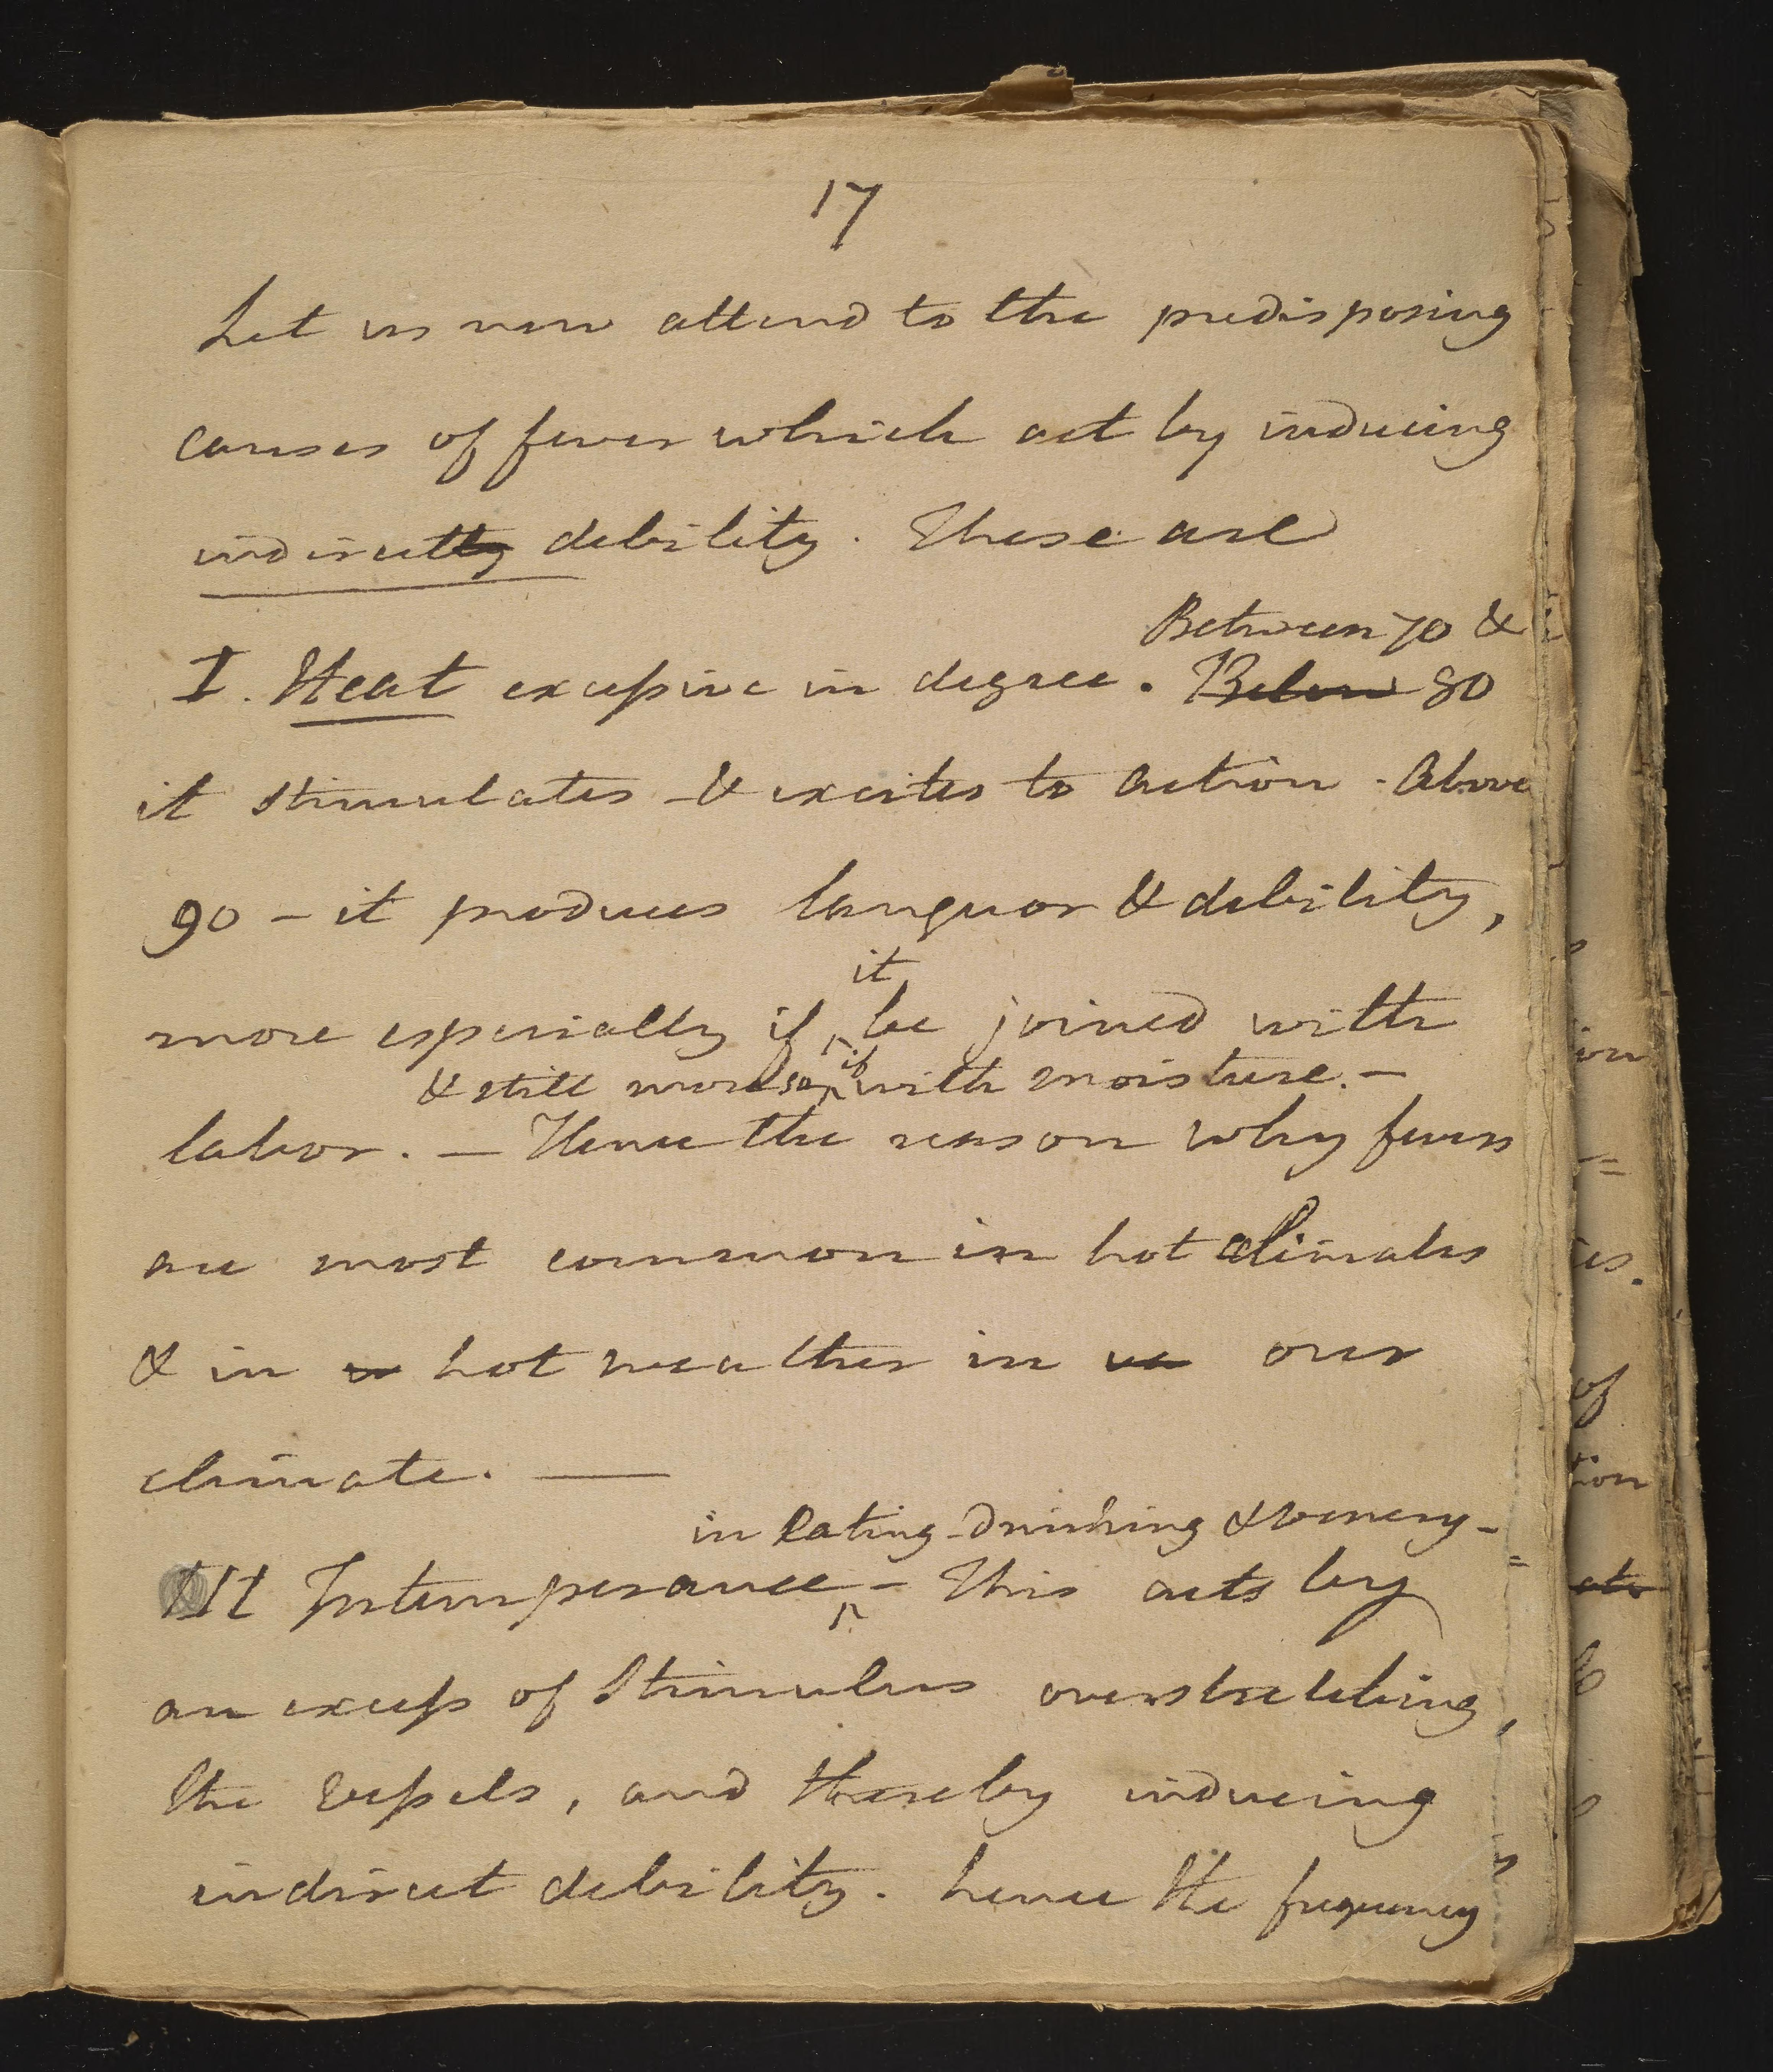17
Let us now attend to the predisposing
causes of fever which act by inducing
indirect[ly] debility. These are
Between 70 &
I. Heat excessive in degree [Betw] 80
It stimulates & excites to action Above
90 it produces languor & debility
it
more especially if ^ be joined with
& still moreso ^if with moisture
labor Hence the reason why fevers
are most common in hot climates
& in hot weather in our
climate.
in Rating, drinking, & money
III Intemperance ^ This acts by
an excess of stimulus overstressing
the excess, and thereby inducing
indirect debility. Hence the frequency